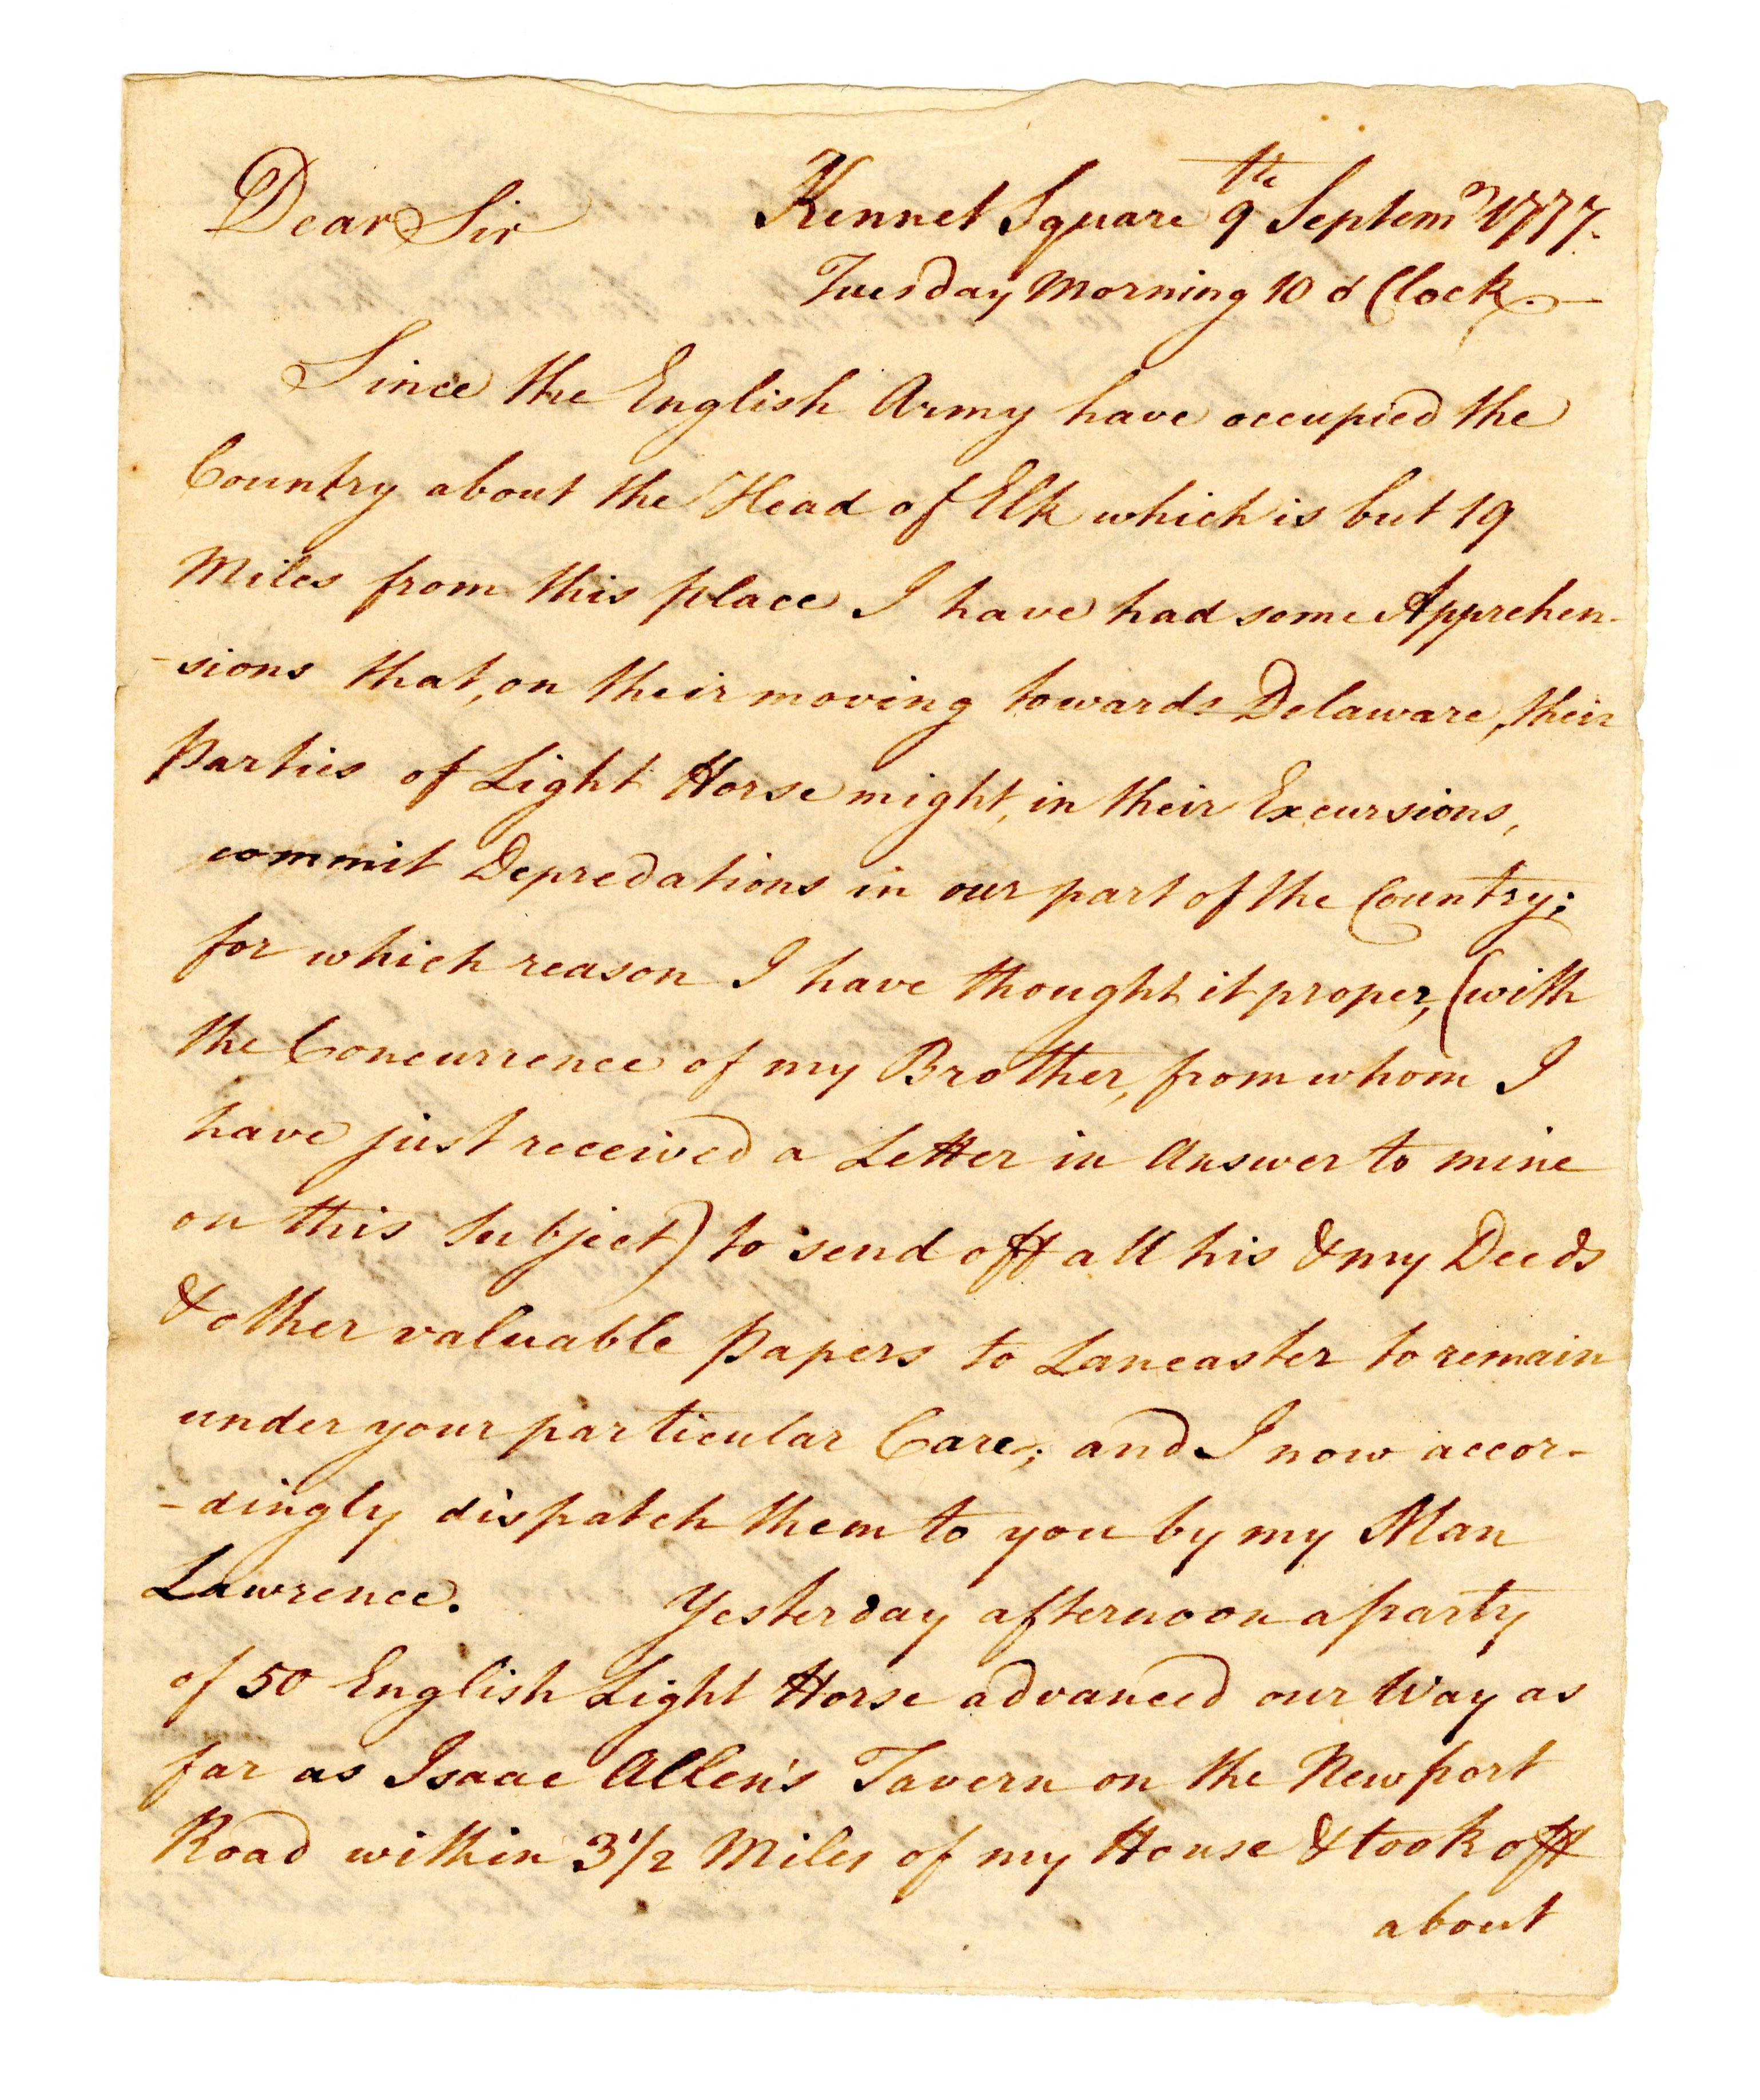Kennet Square 9^th Septem^r 1777.
Tuesday Morning 10 o'Clock.-
Dear Sir
Since the English Army have occupied the
Country about the Head of Elk which is but 19
Miles from this place I have had some Apprehen-
-sions that, on their moving towards Delaware, their
Parties of Light Horse might in their Excursions,
commit Depredations in our part of the Country;
for which reason I have thought it proper, (with
the Concurrence of my Brother, from whom I
have just received a Letter in Answer to mine
on this subject) to send off all his & my Deeds
& other valuable Papers to Lancaster to remain
under your particular Care; and I now accor-
-dingly dispatch them to you by my Man
Lawrence.
Yesterday afternoon a party
of 50 English Light Horse advanced our Way as
far as Isaac Allen's Tavern on the Newport
Road within 3 1/2 Miles of my House & took off
about